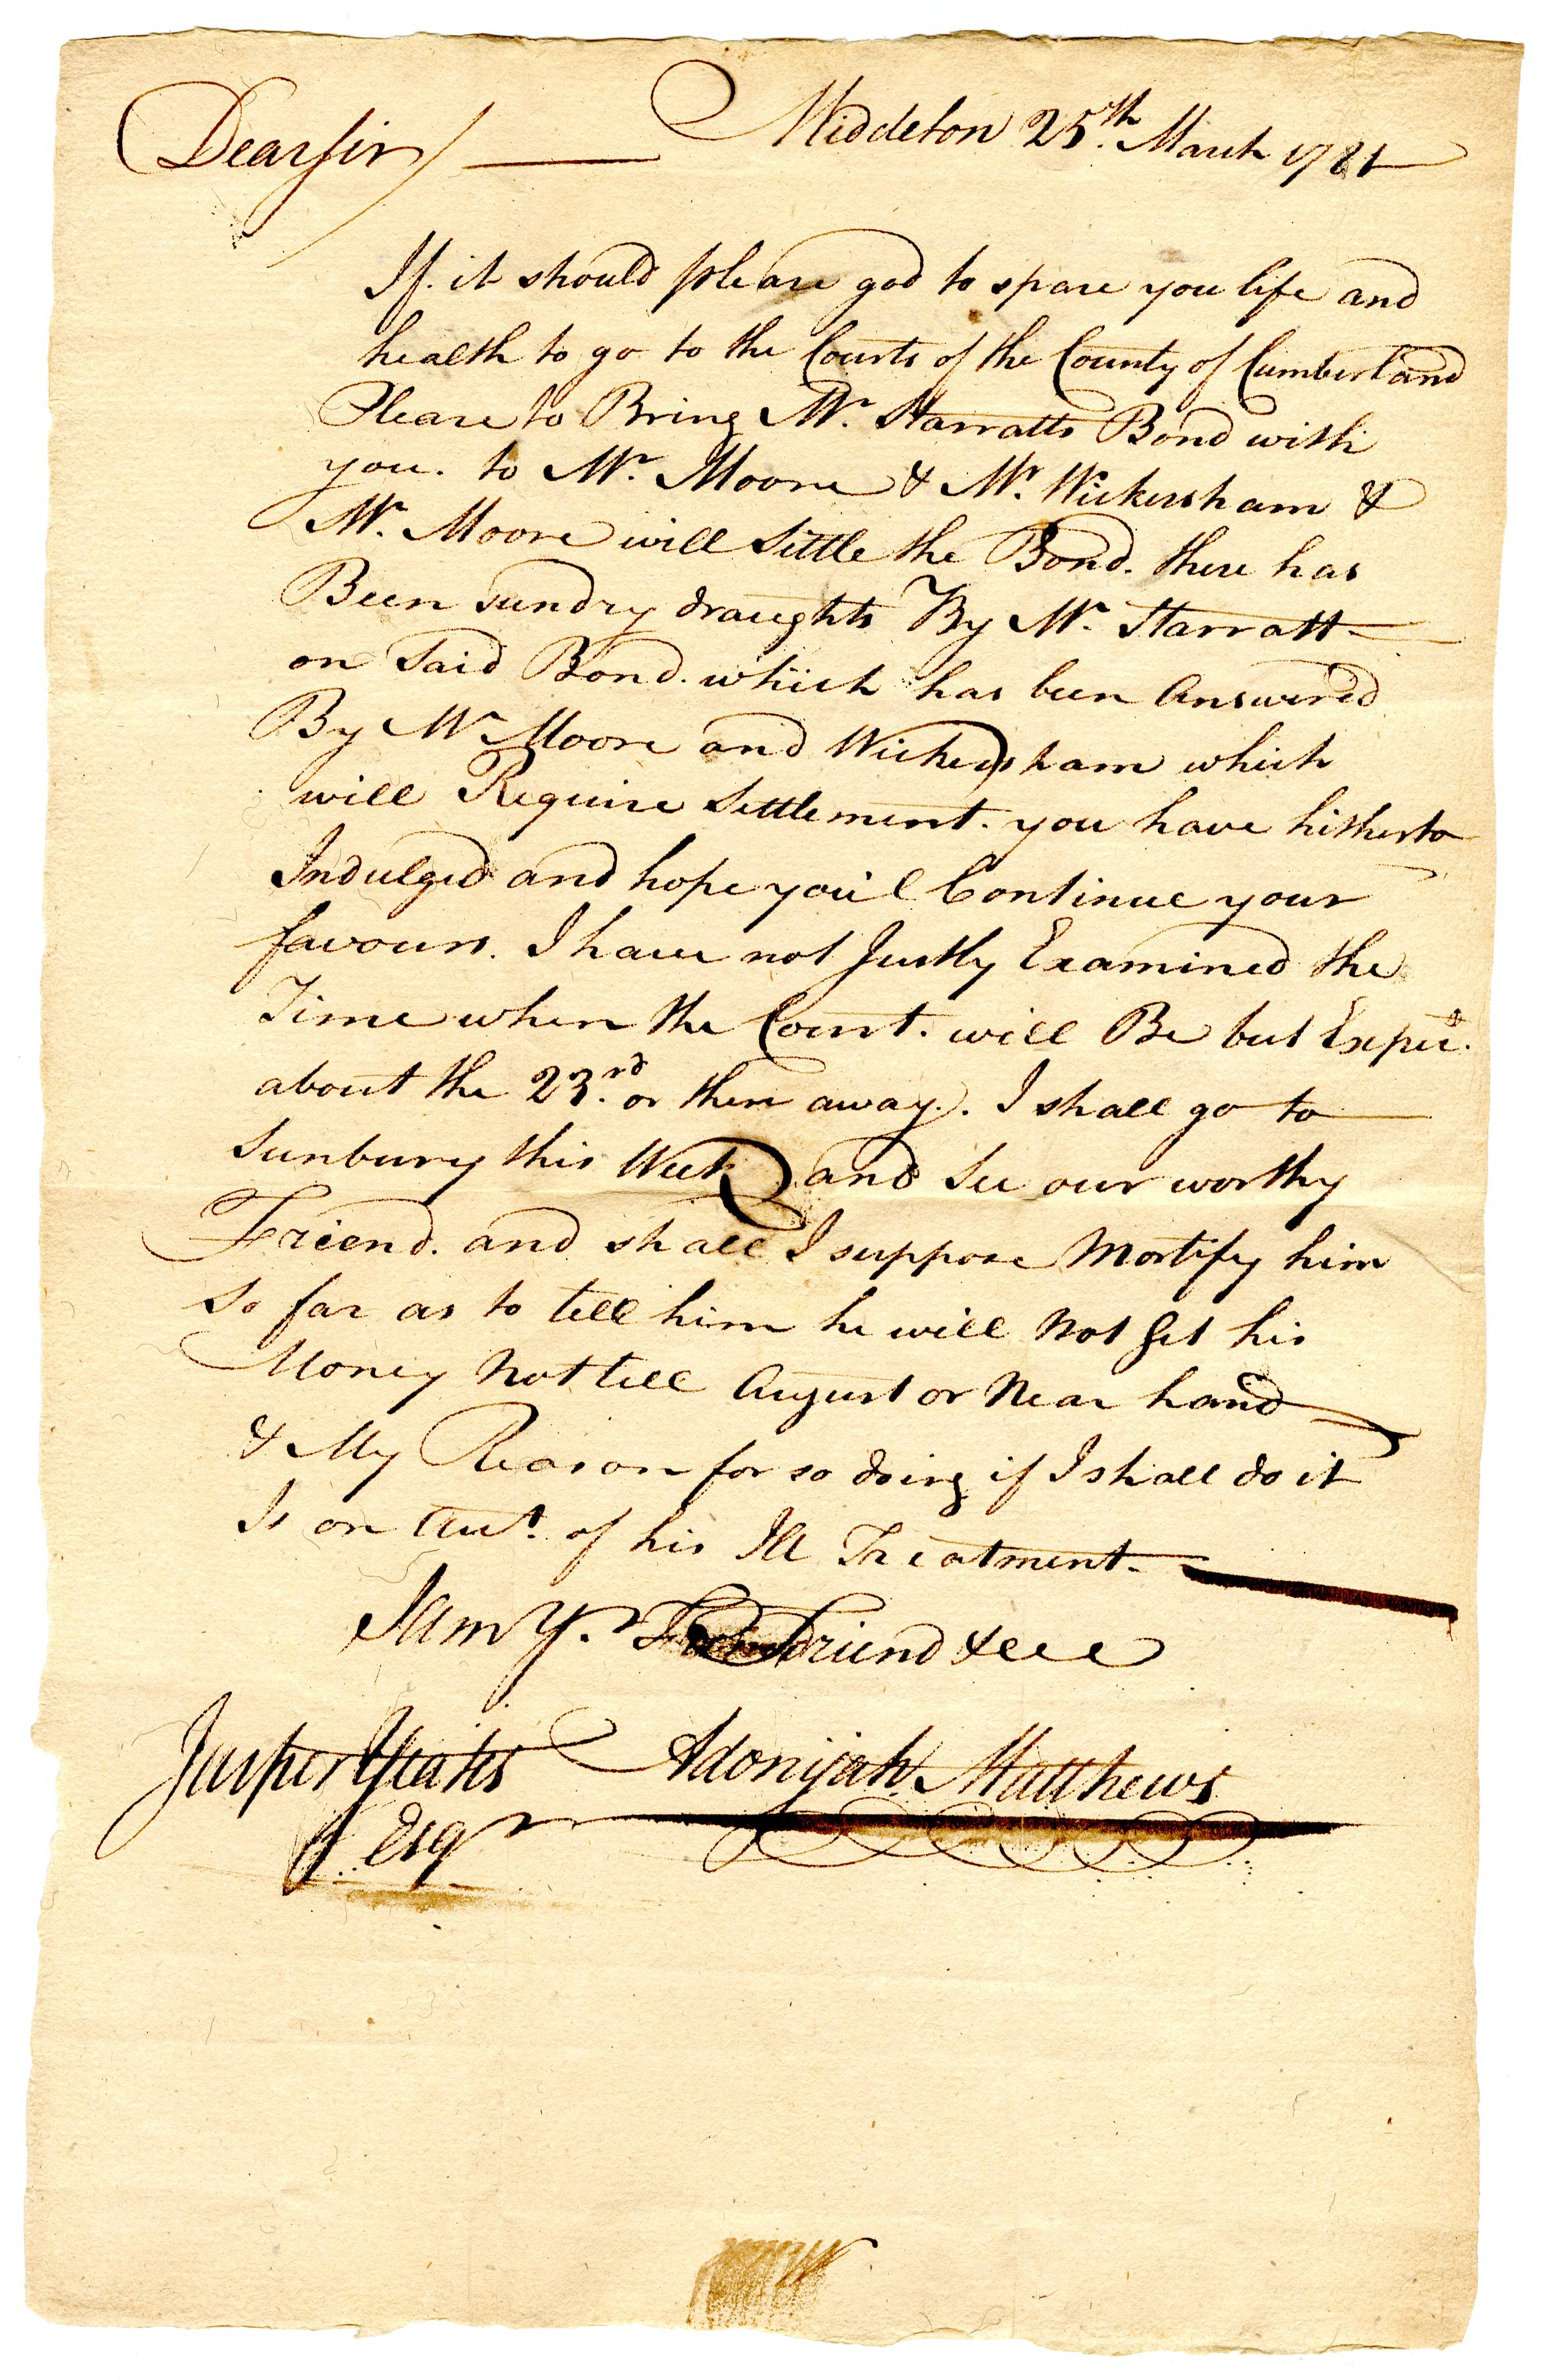Middeton 25^th. March 1781
Dear Sir
If it should please god to spare you life and
health to go to the Courts of the County of Cumberland
Please to Bring M^r. Harratts Bond with
you. so M^r. Moore & M^r. Wickersham &
M^r. Moore will settle the Bond. there has
Been sundry draughts By M^r. Starratt-
on said Bond which has been Answered
By M^r Moore and Wickersham which
will Require Settlement you have hitherto
Indulged and hope you Continue your
favours. I have not Justly Examined the
Time when the Court will Be but Expect
about the 23^rd. or there away. I shall go to
Sunbury this Week and see our worthy
Friend and shall I suppose Mortify him
so far as to tell him he will Not sit his
Money not till August or Near hand
& My Reason for so doing if I shall do it
Is on Acc^t. of his Ill Treatment.
I am y^r Friend &c
Adonijah Matthews
Jasper Yeates
Esq^r